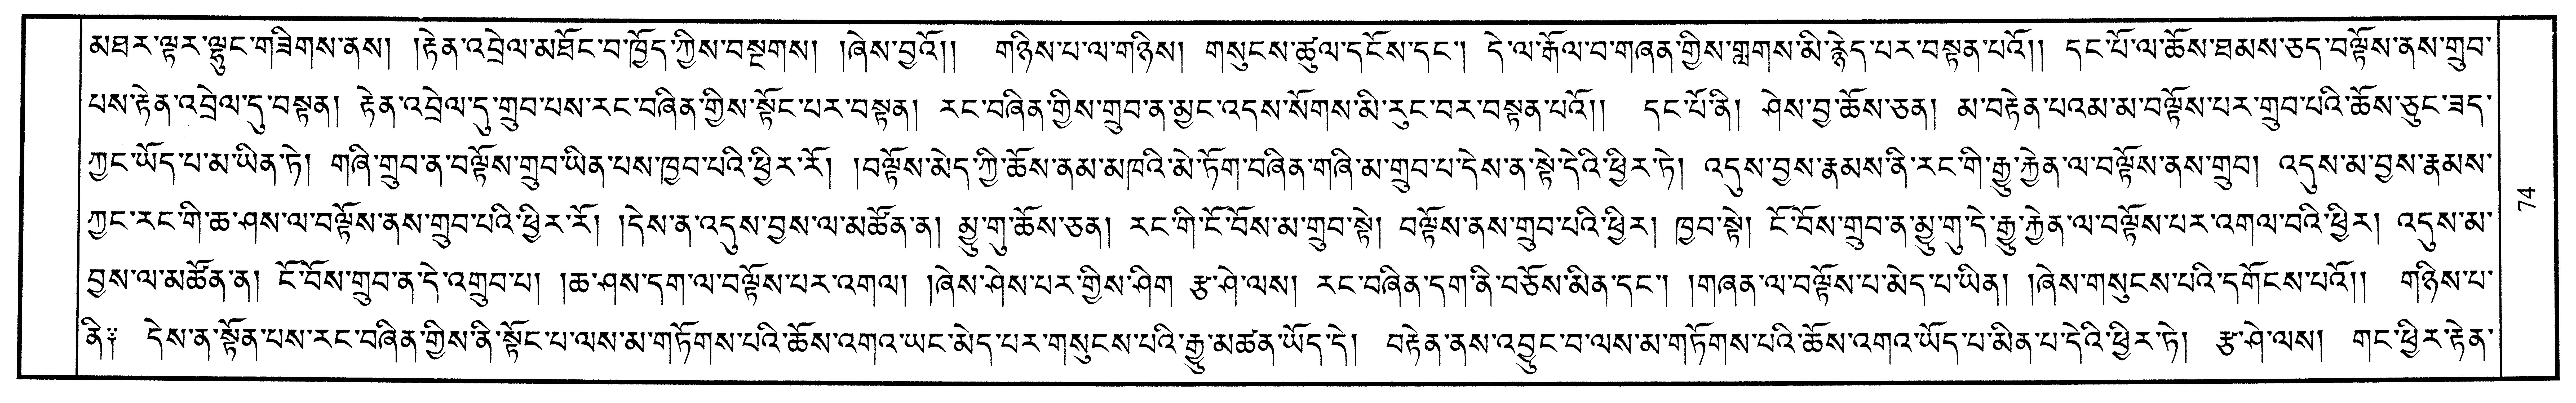མཐར་ལྟར་ལྷུང་གཟིགས་ནས། །རྟེན་འབྲེལ་མཐོང་བ་ཁྱོད་ཀྱིས་བསྔགས། །ཞེས་བྱའོ།། གཉིས་པ་ལ་གཉིས། གསུངས་ཚུལ་དངོས་དང་། དེ་ལ་རྒོལ་བ་གཞན་གྱིས་གླགས་མི་རྙེད་པར་བསྟན་པའོ།། དང་པོ་ལ་ཆོས་ཐམས་ཅད་བལྟོས་ནས་གྲུབ་
པས་རྟེན་འབྲེལ་དུ་བསྟན། རྟེན་འབྲེལ་དུ་གྲུབ་པས་རང་བཞིན་གྱིས་སྟོང་པར་བསྟན། རང་བཞིན་གྱིས་གྲུབ་ན་མྱང་འདས་སོགས་མི་རུང་བར་བསྟན་པའོ།། དང་པོ་ནི། ཤེས་བྱ་ཆོས་ཅན། མ་བརྟེན་པའམ་མ་བལྟོས་པར་གྲུབ་པའི་ཆོས་ཅུང་ཟད་
ཀྱང་ཡོད་པ་མ་ཡིན་ཏེ། གཞི་གྲུབ་ན་བལྟོས་གྲུབ་ཡིན་པས་ཁྱབ་པའི་ཕྱིར་རོ། །བལྟོས་མེད་ཀྱི་ཆོས་ནམ་མཁའི་མེ་ཏོག་བཞིན་གཞི་མ་གྲུབ་པ་དེས་ན་སྟེ་དེའི་ཕྱིར་ཏེ། འདུས་བྱས་རྣམས་ནི་རང་གི་རྒྱུ་རྐྱེན་ལ་བལྟོས་ནས་གྲུབ། འདུས་མ་བྱས་རྣམས་
ཀྱང་རང་གི་ཆ་ཤས་ལ་བལྟོས་ནས་གྲུབ་པའི་ཕྱིར་རོ། །དེས་ན་འདུས་བྱས་ལ་མཚོན་ན། མྱུ་གུ་ཆོས་ཅན། རང་གི་ངོ་བོས་མ་གྲུབ་སྟེ། བལྟོས་ནས་གྲུབ་པའི་ཕྱིར། ཁྱབ་སྟེ། ངོ་བོས་གྲུབ་ན་མྱུ་གུ་དེ་རྒྱུ་རྐྱེན་ལ་བལྟོས་པར་འགལ་བའི་ཕྱིར། འདུས་མ་
བྱས་ལ་མཚོན་ན། ངོ་བོས་གྲུབ་ན་དེ་འགྲུབ་པ། །ཆ་ཤས་དག་ལ་བལྟོས་པར་འགལ། །ཞེས་ཤེས་པར་གྱིས་ཤིག་རྩ་ཤེ་ལས། རང་བཞིན་དག་ནི་བཅོས་མིན་དང་། །གཞན་ལ་བལྟོས་པ་མེད་པ་ཡིན། །ཞེས་གསུངས་པའི་དགོངས་པའོ།། གཉིས་པ་
ནི༑ དེས་ན་སྟོན་པས་རང་བཞིན་གྱིས་ནི་སྟོང་པ་ལས་མ་གཏོགས་པའི་ཆོས་འགའ་ཡང་མེད་པར་གསུངས་པའི་རྒྱུ་མཚན་ཡོད་དེ། བརྟེན་ནས་འབྱུང་བ་ལས་མ་གཏོགས་པའི་ཆོས་འགའ་ཡོད་པ་མིན་པ་དེའི་ཕྱིར་ཏེ། རྩ་ཤེ་ལས། གང་ཕྱིར་རྟེན་